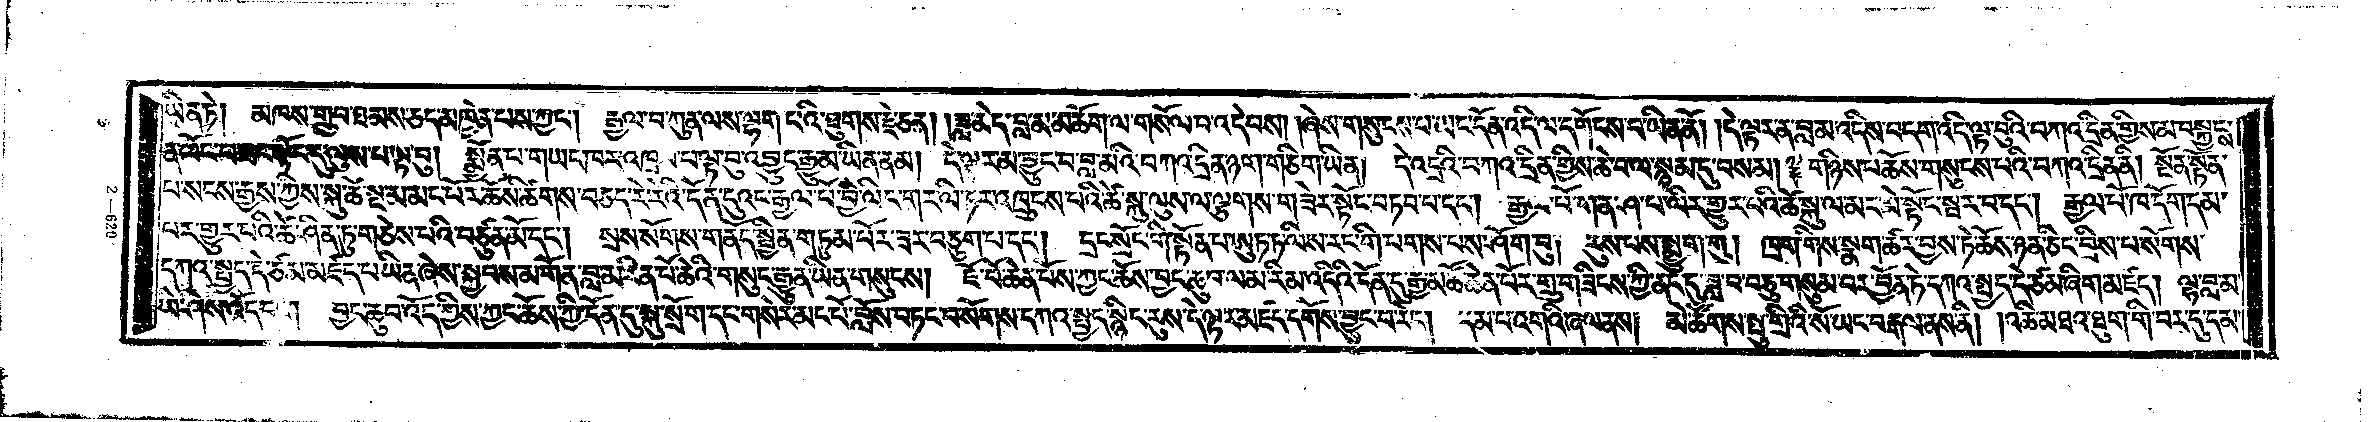ཡིན་ཏེ། མཁས་གྲུབ་ཐམས་ཅད་མཁྱེན་པས་ཀྱང་། རྒྱལ་བ་ཀུན་ལས་ལྷག་པའི་ཐུགས་རྗེ་ཅན། །ཟླ་མེད་བླ་མ་མཆོག་ལ་གསོལ་བ་འདེབས། །ཞེས་གསུངས་པ་ཡང་དོན་འདི་ལ་དགོངས་པ་ཡིན་ནོ། །དེ་ལྟར་ན་བླ་མ་འདིས་བདག་འདི་ལྟ་བུའི་བཀའ་དྲིན་གྱིས་མ་བསྐྱངས་
ན་ལོང་བཟང་སྟོང་དུ་ལུས་པ་ལྟ་བུ། སྨྱོན་པ་གཡང་ཁར་འཁྲལ་པ་ལྟ་བུ་འབྱུང་རྒྱུ་མ་ཡིན་ནམ། དེ་ལྟར་མ་བྱུང་བ་བླ་མའི་བཀའ་དྲིན་ཉག་གཅིག་ཡིན། དེ་འདྲའི་བཀའ་དྲིན་གྱིས་ཆེ་བ་ལ་སྙམ་དུ་བསམ། ༈ གཉིས་པ་ཆོས་གསུངས་པའི་བཀའ་དྲིན་ནི། སྔོན་སྟོན་
པ་སངས་རྒྱས་ཀྱིས་སྐུ་ཚེ་སྔ་མ་མང་པོར་ཆོས་ཚིགས་བཅད་རེ་རེའི་དོན་དུའང་རྒྱལ་པོ་བྱི་ལིང་གར་ལི་ཏར་འཁྲུངས་པའི་ཚེ་སྐུ་ལུས་ལ་ལྕགས་གཟེར་སྟོང་བཏབ་པ་དང་། རྒྱབ་པོ་གན་ཤ་པ་ལིར་གྱུར་པའི་ཆོ་སྐུ་ལ་མང་མེ་སྟོང་སྦར་བ་དང་། རྒྱལ་པོ་ཁ་དོག་དམ་
པར་གྱུར་པའི་ཚེ་ཤིན་ཏུ་གཅེས་པའི་བཙུན་མོ་དང་། སྲས་སོགས་གནོད་སྦྱིན་གཏུམ་པོར་ཟར་བཅུག་པ་དང་། དྲང་སྲོང་གི་སྟོན་པ་ཨུཏ་ཏ་ལིས་རང་གི་པགས་པས་ཤོག་བུ། རུས་པས་སྨྱུག་གུ། ཁྲག་གིས་སྣག་ཚར་བྱས་ཏེ་ཆོས་ཉན་ཅིང་བྲིས་པ་སོགས་
དཀའ་སྤྱད་དེ་ཙམ་མཛད་པ་ཡིན་ཞེས་སྐྱབས་མགོན་བླ་མ་རིན་པོ་ཆེའི་གསུང་རྒྱུན་ཡིན་གསུངས། ཇོ་བོ་ཆེན་པོས་ཀྱང་ཆོས་བྱང་ཆུབ་ལམ་རིམ་འདིའི་དོན་དུ་རྒྱ་མཚོ་ཆེན་པོར་གྲུ་གཟིངས་ཀྱི་ནང་དུ་ཟླ་བ་བཅུ་གསུམ་བར་བྱོན་ཏེ་དཀའ་སྤྱད་དེ་ཙམ་ཞིག་མཛད། ལྷ་བླ་མ་
ཡེ་ཤེས་འོད་དང་། བྱང་ཆུབ་འོད་ཀྱིས་ཀྱང་ཆོས་ཀྱི་དོན་དུ་སྐུ་སྲོག་དང་གསེར་མང་པོ་བློས་བཏང་བ་སོགས་དཀའ་སྤྱད་སྙིང་རུས་དེ་ལྟར་མཛད་དགོས་བྱུང་བ་རེད། དམ་པ་འགའི་ཞལ་ནས། མེ་ཚོགས་སྤུ་གྲིའི་སོ་ཡང་བརྒལ་ནས་ནི། །འཆི་མཐའ་ཐུག་གི་བར་དུ་དམ་